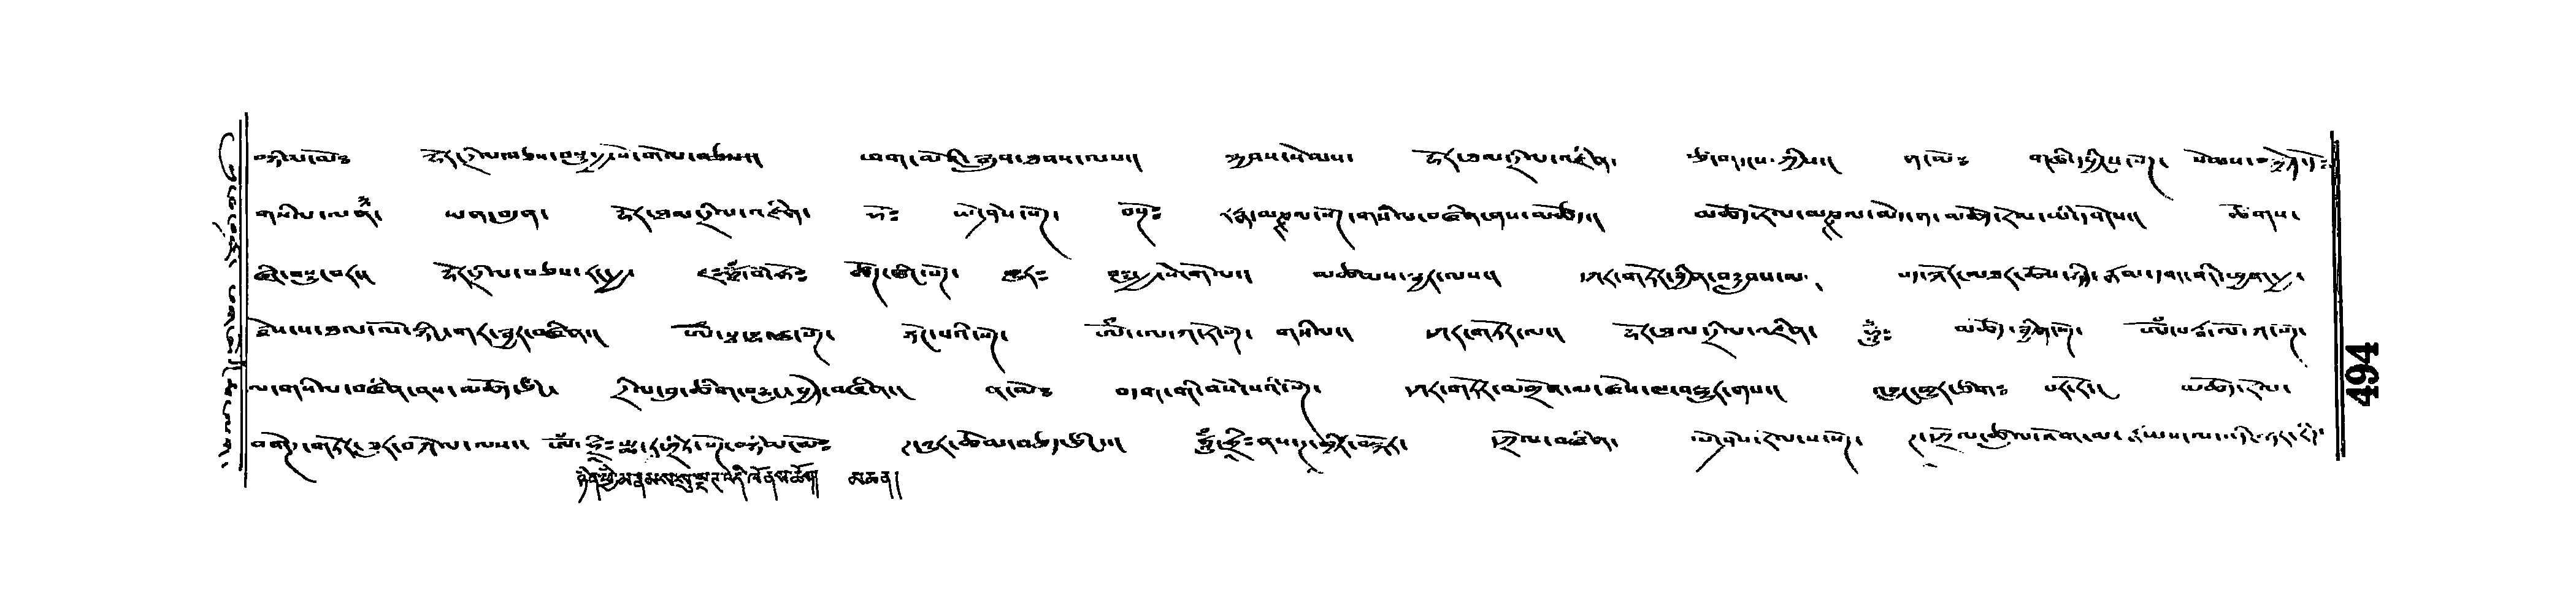བསྟིམ་མོ༔ རྡོར་དྲིལ་བཅས་བསྡུ་རྒྱ་སེ་གོལ་བཅས། ཕག་མོའི་སྒྲུབ་ཐབས་ལས། སྐྱབས་སེམས། རྡོར་ཐལ་དྲིལ་འཛིན། རྩ་གདངས་ཀྱིས། ན་མོ༔ གཞི་དབྱིངས་སོགས། སེམས་བསྐྱེད་དོ༔ 
གསིལ་ལན་གསུམ། ཡན་བདུན། རྡོར་ཐལ་དྲིལ་འཛིན། ས ཧོཿ ཡེ་ཤེས་སོགས། ས བསྔོ༔ རཏྣ་མཎྜལ་སོགས་གསིལ་བཞིན་ནས་མཆོད། མཆོད་རོལ་མཎྜལ་མེད་ན་མཆོད་རོལ་མི་དགོས། ཚོགས་
ཞིང་བསྡུ་བར། རྡོར་དྲིལ་བཅས་རང་རྒྱ། ཛཿཧཱུྃ་བྃ་ཧོཿ ཚོགས་ཞིང་སོགས། གྱུར༔ བསྡུ་རྒྱ་སེ་གོལ། མཚམས་སྦྱར་ལས། དཀར་གཏོར་བྱིན་བརླབས་ལ། པད་སྐོར་མཐར་ཆོས་ཉིད་རྣམ་དག་གི་ཕྱག་རྒྱ་
སྨོས་པ་ཐལ་མོ་སྙིང་གར་སྦྱར་བཞིན། ཨོཾ་སྭ་བྷ་ཝ་སོགས། སྟོང་པའི་སོགས། ཨོཾ་ཨ་ཀ་རོ་སོགས། གསིལ། དཀར་གཏོར་ལ། རྡོར་ཐལ་དྲིལ་འཛིན། ཧཱུྃ༔ མཆོད་སྦྱིན་སོགས། ཨོཾ་སརྦ་ལོ་ཀ་སོགས་
ལ་གསིལ་བཞིན་ནས་མཆོད་ཅིང་། དྲིལ་བུ་ཚིག་བརྡུང་བྱེད་བཞིན། ན་མོ༔ བདག་གི་བསམ་པའི་སོགས། དཀར་གཏོར་མགྲོན་ལ་ཞེས་ཁ་བསྒྱུར་ནས། འབྱུང་གྱུར་ཅིག༔ བར་རོ། མཆོད་རོལ་
བགེགས་གཏོར་ཟུར་བཀོལ་ལས། ཨོཾ་ཧྲཱིཿཔདྨ་ཏ་ཀྲིཏ། བསྟིམ་མོ༔ ཌཱ་འུར་ཆེམ་བཅད་ཅིང་། ཧཱུྃ་ཧྲཱིཿ ནས་ཌཱ་ཕྱིར་བསྐོར། དཀྲོལ་བཞིན། ཡེ་ཤེས་རོལ་པ་སོགས། ཌཱ་དཀྲོལ་ཚུལ་འོག་མ་རྣམས་ལ་འདི་ལྟར་རིགས་